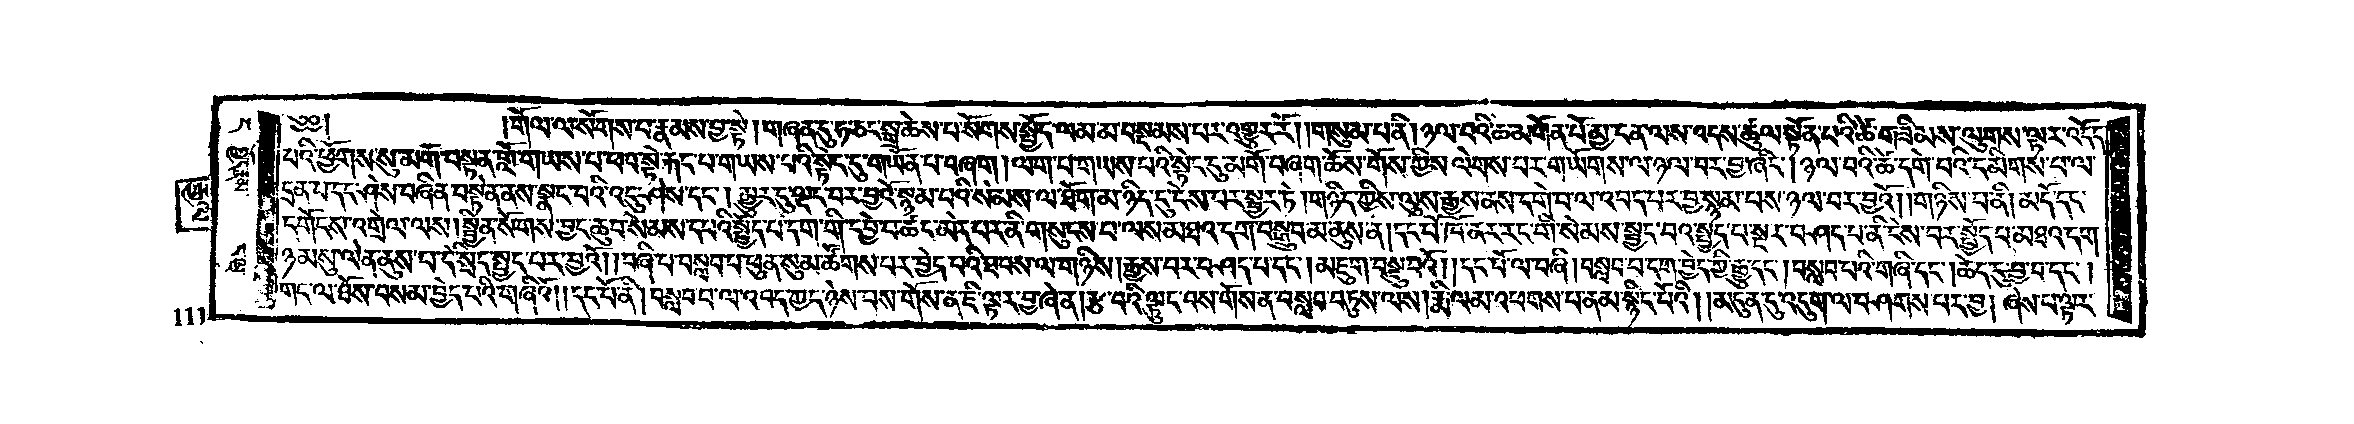༄༅། །གོལ་ལོ་སོགས་པ་རྣམས་བྱ་སྟེ། གཞན་དུ་ཧ་ཅང་སྒྲ་ཆེས་པ་སོགས་སྤྱོད་ལམ་མ་བསྡམས་པར་འགྱུར་རོ། །གསུམ་པ་ནི། ཉལ་བའི་ཆ་མགོན་པོ་མྱ་ངན་ལས་འདས་ཚུལ་སྟོན་པའི་ཚེ་གཟིམས་ལུགས་ལྟར་འདོད་
པའི་ཕྱོགས་སུ་མགོ་བསྟན་གློ་གཡས་པ་ཕབ་སྟེ་རྐང་པ་གཡས་པའི་སྟེང་དུ་གཡོན་པ་བཞག །ལག་པ་གཡས་པའི་སྟེང་དུ་མགོ་བཞག་ཆོས་གོས་ཀྱིས་ལེགས་པར་གཡོགས་ལ་ཉལ་བར་བྱ་ཞིང་། ཉལ་བའི་ཚེ་དགེ་བའི་དམིགས་པ་ལ་
དྲན་པ་དང་ཤེས་བཞིན་བསྟེན་ནས་སྣང་བའི་འདུ་ཤེས་དང་། མྱུར་དུ་ལྡང་བར་བྱའོ་སྙམ་པའི་སེམས་ལ་ཐོག་མ་ཉིད་དུ་ངེས་པར་སྦྱར་ཏེ། གཉིད་ཀྱིས་ལུས་རྒྱས་ནས་དགེ་བ་ལ་འབད་པར་བྱ་སྙམ་པས་ཉལ་བར་བྱའོ། །གཉིས་པ་ནི་མདོ་དང་
དགོངས་འགྲེལ་ལས། སྦྱིན་སོགས་བྱང་ཆུབ་སེམས་དཔའི་སྤྱོད་པ་དག་གི་དབྱེ་བ་ཚད་མེད་པར་ནི་གསུངས་པ་ལས་མཐའ་དག་བསྒྲུབ་མ་ནུས་ན། དང་པོ་ཁོ་ནར་རང་གི་སེམས་སྦྱང་བའི་སྤྱད་པ་སྔར་བཤད་པ་ནི་ངེས་པར་སྤྱོད་པ་མཐའ་དག་
ཉམས་སུ་ལེན་ནུས་པ་དེ་སྤྱད་པར་བྱའོ། །བཞི་པ་བསླབ་པ་ཕུན་སུམ་ཚོགས་པར་བྱེད་པའི་ཐབས་ལ་གཉིས། རྒྱས་པར་བཤད་པ་དང་། མཇུག་བསྡུ་བའོ། །དང་པོ་ལ་བཞི། བསླབ་པ་དག་བྱེད་ཀྱི་རྒྱུ་དང་། བསླབ་པའི་གཞི་དང་། ཆེད་དུ་བྱ་བ་དང་
གང་ལ་ཐོས་བསམ་བྱེད་པའི་གཞིའིའོ། །དང་པོ་ནི། བསླབ་པ་ལ་འབད་ཀྱང་ཉེས་པས་གོས་ན་ཇི་ལྟར་བྱ་ཞེ་ན། རྩ་བའི་ལྟུང་བས་གསོ་ན་བསླབ་བཏུས་ལས། རྨི་ལམ་འཕགས་པ་ནམ་སྙིང་པོའི། །མདུན་དུ་འདུག་ལ་བཤགས་པར་བྱ། ཞེས་པ་ལྟར་